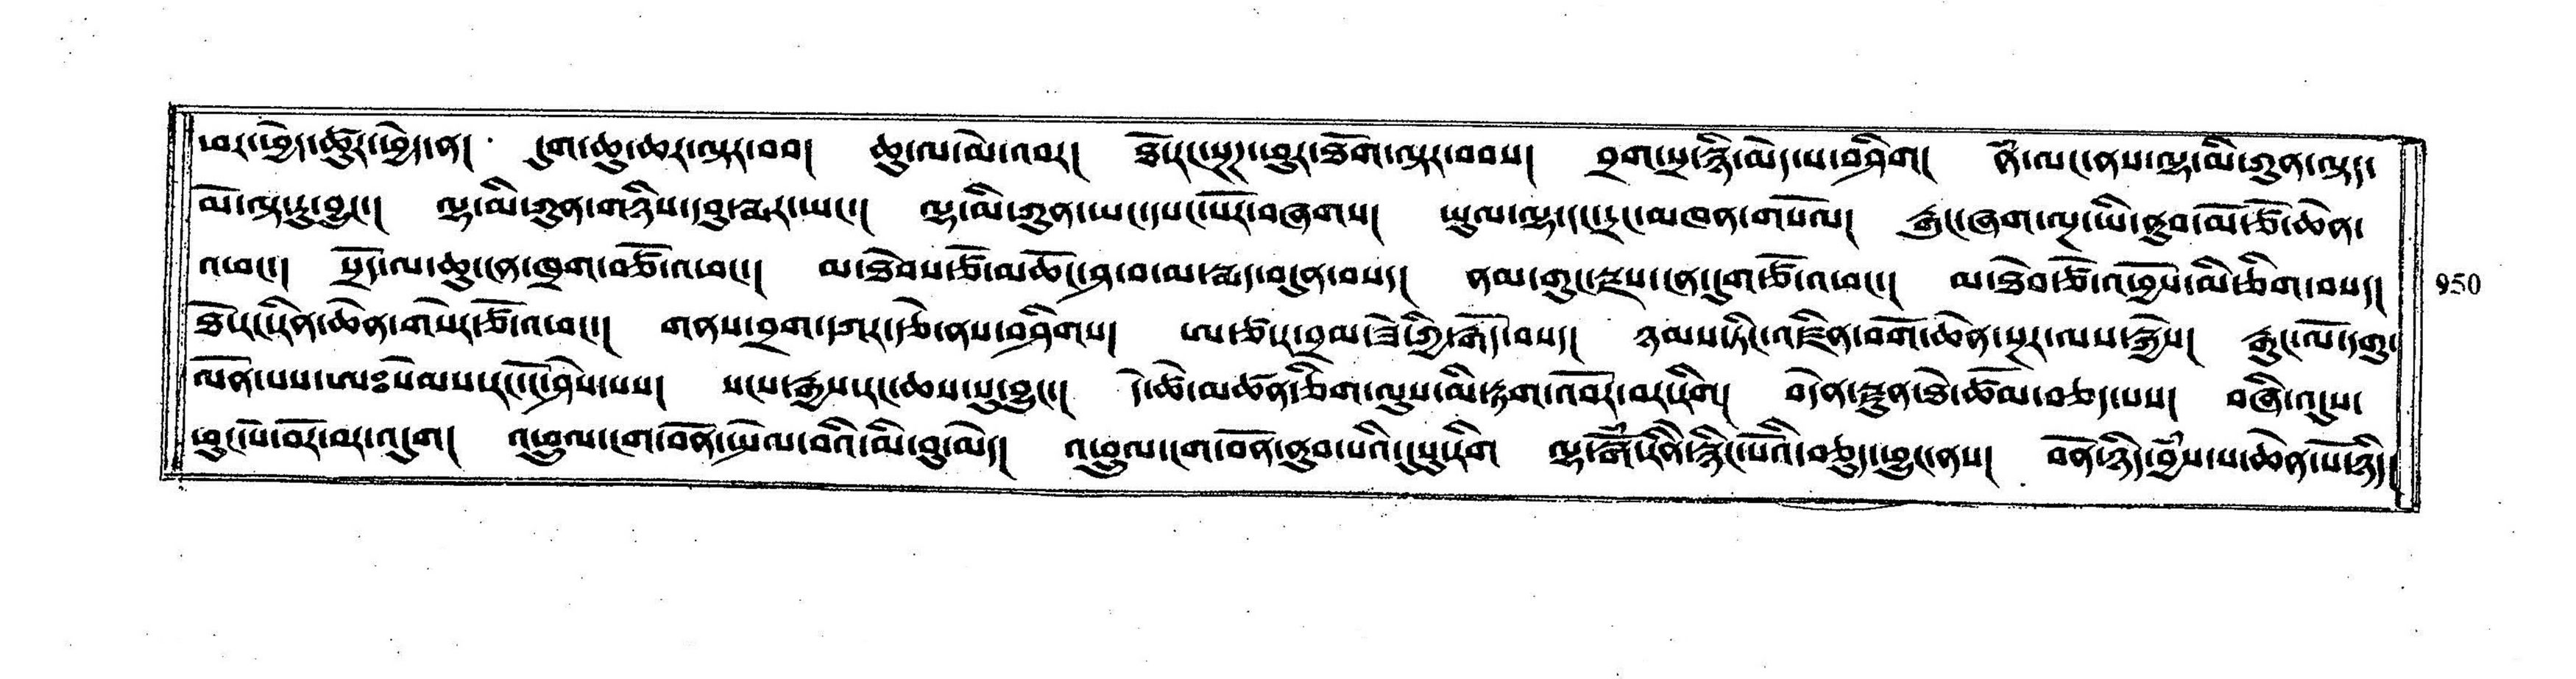ཕར་ཕྱེད་ཚུར་ཕྱེད་ན། དུག་ཆུ་ཆར་ལྟར་བབ། ཆུ་ལ་མེ་འབར། ཐོ་རང་སྔགས་ཕུར་ཐོག་ལྟར་བབས། བྲག་སྲ་སྙི་མེད་པ་བཤིག ནམ་ལང་ནས་ལྷ་མི་ཀུན་ལྟད་
མོ་ལྟ་རུ་བྱུང་། ལྷ་མི་ཀུན་གཉིས་དབུ་སྨར་ཡང་། ལྷ་མི་ཀུན་ཡང་དཔང་སོར་བཞགས། ཡུལ་ལྷ་དང་དྲང་མཁན་གསོལ། རྒུང་ཞག་ལྔ་ཡི་ནུབ་མོ་ཙོ་ཆེན་
འཕང་། སྲོད་ལ་ཆུ་ངན་ཁྲག་བཙོ་འཕང་། མ་ཐེབས་ཙོ་མཆོང་ཤ་བ་མ་སྨད་བདུན་བསད། ནམ་གུང་རྫས་ངན་དུག་ཙོ་འཕང་། མ་ཐེབ་ཙོ་འཕྱོས་མི་ཅིག་བསད། 
ཐོ་རང་རིན་ཆེན་གསེར་ཙོ་འཕང་། གནས་བྲག་དཀར་རྩེ་ནས་བཤིགས། ཨ་ཙ་ར་བྲམ་ཟེ་གྱི་རྒོད་བསད། ཉམས་ཏིང་འཛིན་བོག་ཆེན་སྔར་ལས་སྐྱེས། རྒུང་ལོ་དགུ་
ལོན་པས་ཨཿསེམས་རང་ངོ་ཤེས་པས། སངས་རྒྱས་རང་ཆས་སུ་བྱུང་། དེ་ཚེ་མཚན་ཅིག་ལུས་མི་རྟག་འབོར་བར་རིག བདེན་རྫུན་ཐེ་ཚོམ་བཅད་པས། བཞི་འདུས་
ཕུང་པོ་བོར་བར་འདུག འཕྲུལ་ངག་བོན་སྤེལ་བའི་མི་བུ་མེད། འཕྲུལ་ངག་བོན་ནུབ་པའི་དུས་སུ་རིག ལྷ་སྒོམ་རིན་ཆེན་སྙིང་པོའི་བཅུད་ཕྱུང་ནས། བོན་ཉིད་བྱམས་པ་ཆེན་པོ་ཉིད།